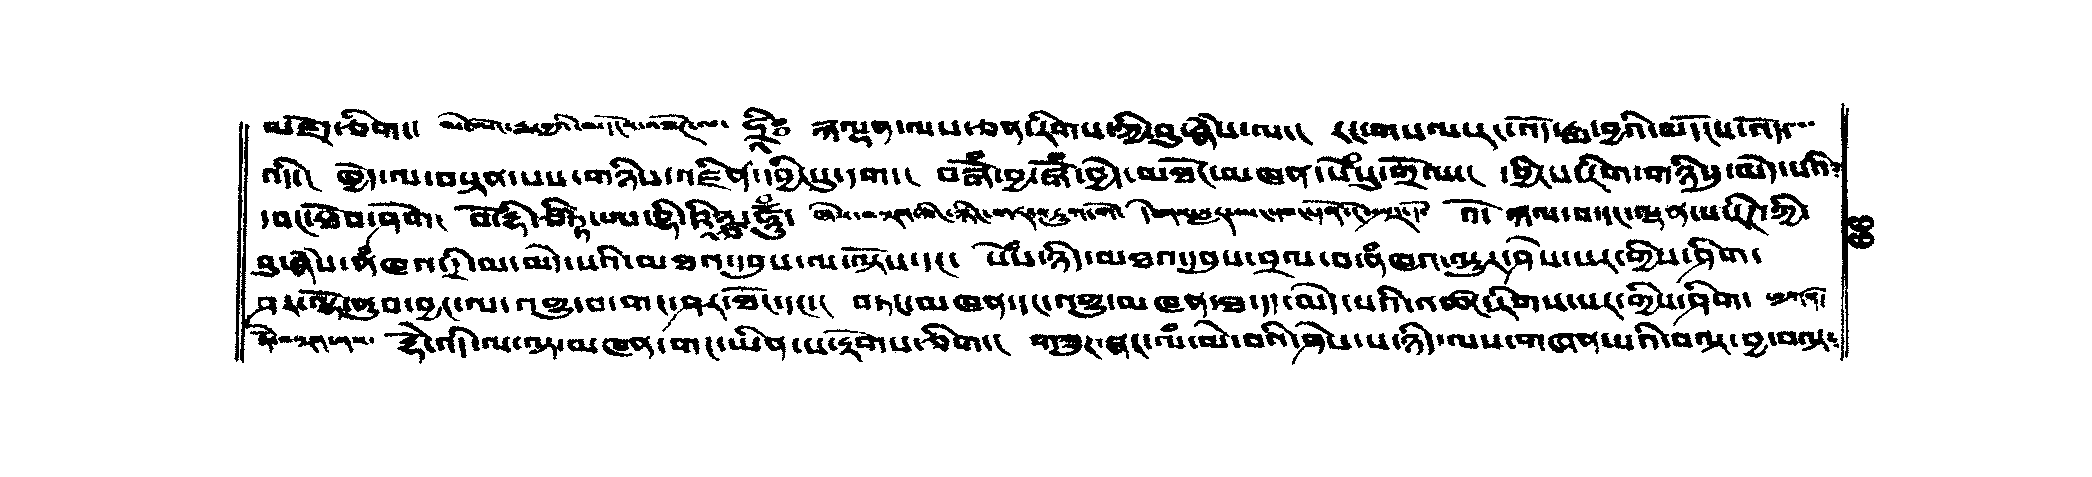མཛོད་ཅིག མེ་ལོང་རྨ་བྱའི་མདོངས་འཐོགས་ལ། ཧྲཱིཿ སྐལ་ལྡན་ལས་ཅན་རིགས་ཀྱི་བུ་རྣམས་ལ། རང་གསལ་རང་འོད་རྨ་བྱའི་མདོངས་འོད་
འདི། ཁྱེད་ལ་བསྟན་པས་གཉིས་འཛིན་དབྱིངས་སུ་དག བསྒོམ་བྱ་སྒོམ་བྱེད་མཐོང་མཁན་སེམས་སུ་གྲོལ། དབྱིངས་རིག་གཉིས་སུ་མེད་པའི་
དབང་ཐོབ་ཤོག བོ་དྷི་ཙིཏྟ་ཨ་བྷི་རཱིཉྩ་ཧཱུྃ། ཞེས་བསྟན་ཅིང་སྙིང་གར་བཏུག་གོ དེ་ནས་སླར་ཡང་དབང་དོན་ངོ་སྤྲད་དོ། འོ་སྐལ་བ་དང་ལྡན་པ་རིགས་ཀྱི་
བུ་རྣམས་ནམ་མཁའ་དྲི་མ་མེད་པའི་མཐའ་དབུས་ལ་ལྟོས་དང་། སེམས་ཉིད་མཐའ་དབུས་བྲལ་བ་ནམ་མཁའ་ལྟ་བུར་ཤེས་པར་གྱིས་ཤིག 
ཤར་ལྷོ་ནུབ་བྱང་ལ་འགྱུ་བ་གང་ཤར་ཐོང་དང་། བཏང་མཁན་དག་འགྱུ་མཁན་ཐ་དད་མེད་པའི་འཚང་རིགས་པར་གྱིས་ཤིག ཕྱག་མཚན་
རྡོ་རྗེ་བསྟན་ནས། རྡོ་རྗེ་འདི་ལ་ལྟ་མཁན་གང་ཡིན་པ་རྟོགས་ཅིག གཟུགས་སྣང་ལམ་མེ་བའི་ཤེས་པ་ཉིད་ལས་གཞན་པའི་བལྟ་བྱ་བལྟ་